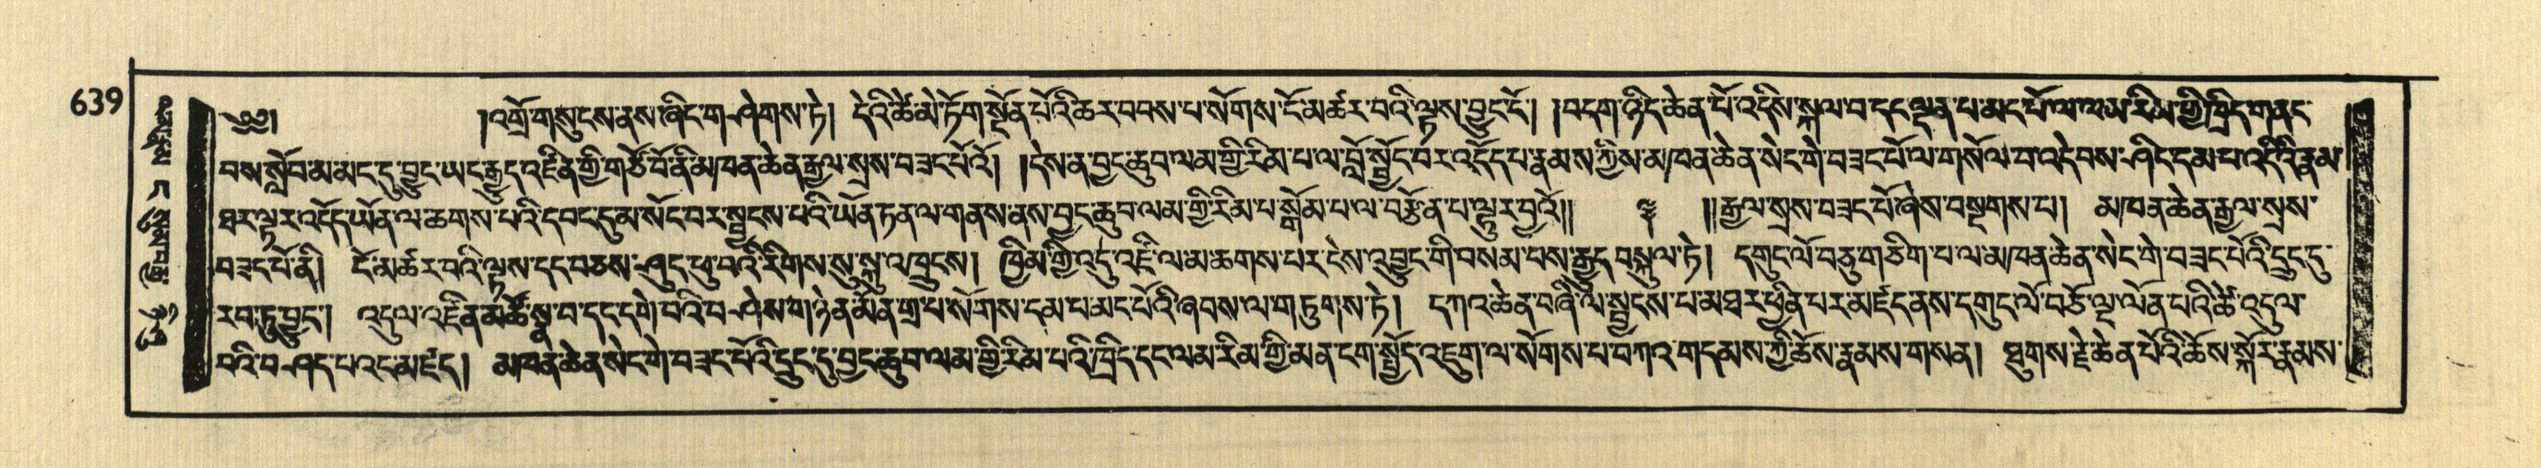༄༅། །འགྲོ་གསུངས་ནས་ཞིང་གཤེགས་ཏེ། དེའི་ཚེ་མེ་ཏོག་སྔོན་པོའི་ཆར་བབས་པ་སོགས་ངོ་མཚར་བའི་ལྟས་བྱུང་ངོ། །བདག་ཉིད་ཆེན་པོ་འདིས་སྐལ་བ་དང་ལྡན་པ་མང་པོ་ལ་ལམ་རིམ་གྱི་ཁྲིད་གནང་
བས་སློབ་མ་མང་དུ་བྱུང་ཡང་རྒྱུད་འཛིན་གྱི་གཙོ་བོ་ནི་མཁན་ཆེན་རྒྱལ་སྲས་བཟང་པོའོ། །དེས་ན་བྱང་ཆུབ་ལམ་གྱི་རིམ་པ་ལ་བློ་སྦྱོང་བར་འདོད་པ་རྣམས་ཀྱིས་མཁན་ཆེན་སེང་གེ་བཟང་པོ་ལ་གསོལ་བ་འདེབས་ཤིང་དམ་པ་འདིའི་རྣམ་
ཐར་ལྟར་འདོད་ཡོན་ལ་ཆགས་པའི་དབང་དུ་མ་སོང་བར་སྦྱངས་པའི་ཡོན་ཏན་ལ་གནས་ནས་བྱང་ཆུབ་ལམ་གྱི་རིམ་པ་སྒོམ་པ་ལ་བརྩོན་པ་ལྷུར་བྱའོ།། ༈ །།རྒྱལ་སྲས་བཟང་པོ་ཞེས་བསྔགས་པ། མཁན་ཆེན་རྒྱལ་སྲས་
བཟང་པོ་ནི། ངོ་མཚར་བའི་ལྟས་དང་བཅས་ཤུང་ཕུ་བའི་རིགས་སུ་སྐུ་འཁྲུངས། ཁྱིམ་གྱི་འདུ་འཛི་ལ་མ་ཆགས་པར་ངེས་འབྱུང་གི་བསམ་པས་རྒྱུད་བསྐུལ་ཏེ། དགུང་ལོ་བཅུ་གཅིག་པ་ལ་མཁན་ཆེན་སེང་གེ་བཟང་པོའི་དྲུང་དུ་
རབ་ཏུ་བྱུང་། འདུལ་འཛིན་མཚོ་སྣ་བ་དང་དགེ་བའི་བཤེས་གཉེན་མོན་གྲ་པ་སོགས་དམ་པ་མང་པོའི་ཞབས་ལ་གཏུགས་ཏེ། དཀའ་ཆེན་བཞི་ལ་སྦྱངས་པ་མཐར་ཕྱིན་པར་མཛད་ནས་དགུང་ལོ་བཅོ་ལྔ་ལོན་པའི་ཚེ་འདུལ་
བའི་བཤད་པའང་མཛད། མཁན་ཆེན་སེང་གེ་བཟང་པོའི་དྲུང་དུ་བྱང་ཆུབ་ལམ་གྱི་རིམ་པའི་ཁྲིད་དང་ལམ་རིམ་གྱི་མན་ངག་སྤྱོད་འཇུག་ལ་སོགས་པ་བཀའ་གདམས་ཀྱི་ཆོས་རྣམས་གསན། ཐུགས་རྗེ་ཆེན་པོའི་ཆོས་སྐོར་རྣམས་